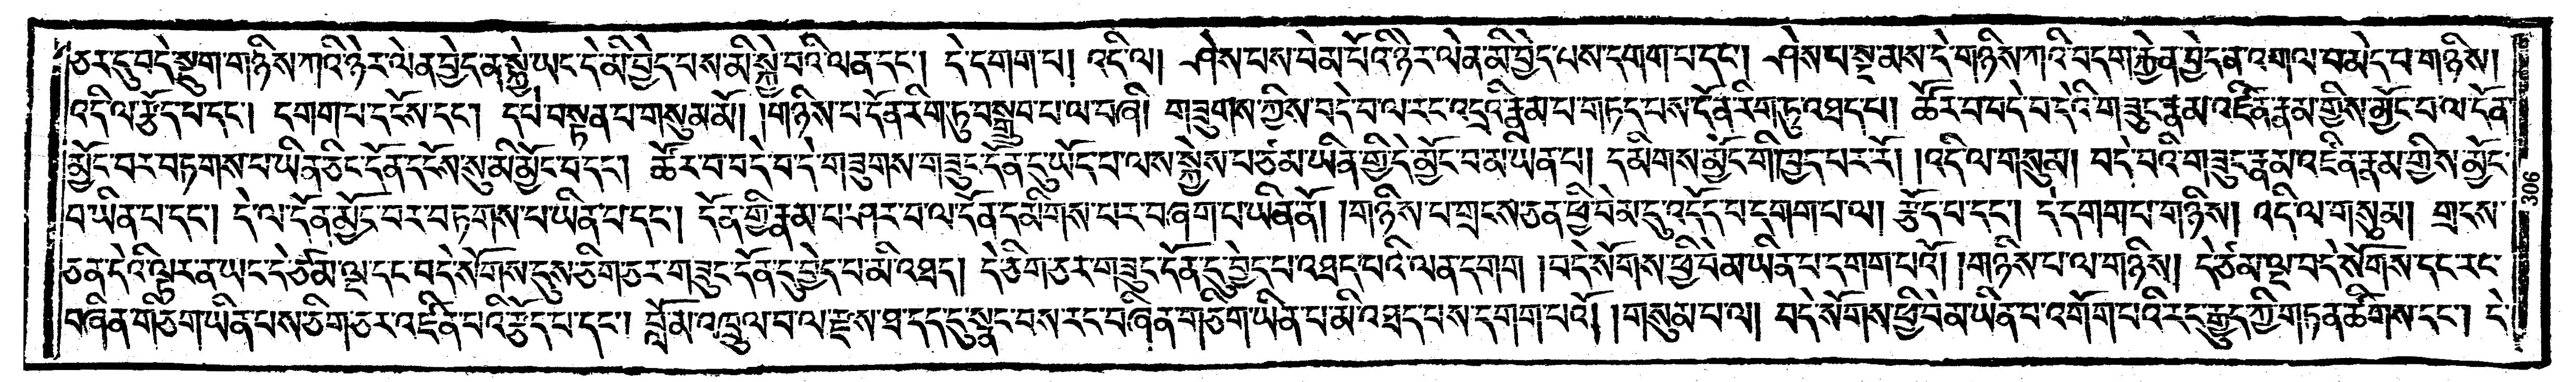ཅར་དུ་བདེ་སྡུག་གཉིས་ཀའི་ཉེར་ལེན་བྱེད་ན་སྐྱེ་ཡང་དེ་མི་བྱེད་པས་མི་སྐྱེ་བའི་ལན་དང་། དེ་དགག་པ། འདི་ལ། ཤེས་པས་བེམ་པོའི་ཉེར་ལེན་མི་བྱེད་པས་དགག་པ་དང་། ཤེས་པ་སྔ་མས་དེ་གཉིས་ཀའི་བདག་རྐྱེན་བྱེད་ན་འགལ་བ་མེད་པ་གཉིས།
འདི་ལ་རྩོད་པ་དང་། དགག་པ་དངོས་དང་། དཔེ་བསྟན་པ་གསུམ་མོ། །གཉིས་པ་དོན་རིག་ཏུ་བསྒྲུབ་པ་ལ་བཞི། གཟུགས་ཀྱིས་བདེ་བ་ལ་རང་འདྲའི་རྣམ་པ་གཏད་པས་དོན་རིག་ཏུ་འཐད་པ། ཚོར་བ་བདེ་བ་དེའི་གཟུང་རྣམ་འཛིན་རྣམ་གྱིས་མྱོང་བ་ལ་དོན་
མྱོང་བར་བཏགས་པ་ཡིན་ཅིང་དོན་དངོས་སུ་མི་མྱོང་བ་དང་། ཚོར་བ་བདེ་བ་དེ་གཟུགས་གཟུང་དོན་དུ་ཡོད་པ་ལས་སྐྱེས་པ་ཙམ་ཡིན་གྱི་དེ་མྱོང་བ་མ་ཡིན་པ། དམིགས་མྱོང་གི་ཁྱད་པར་རོ། །འདི་ལ་གསུམ། བདེ་བའི་གཟུང་རྣམ་འཛིན་རྣམ་གྱིས་མྱོང་
བ་ཡིན་པ་དང་། དེ་ལ་དོན་མྱོང་བར་བཏགས་པ་ཡིན་པ་དང་། དོན་གྱི་རྣམ་པ་ཤར་བ་ལ་དོན་དམིགས་པར་བཞག་པ་ཡིན་ནོ། །གཉིས་པ་གྲངས་ཅན་ཕྱི་བེམ་དུ་འདོད་པ་དགག་པ་ལ། རྩོད་པ་དང་། དེ་དགག་པ་གཉིས། འདི་ལ་གསུམ། གྲངས་
ཅན་དེའི་ལྟར་ན་ཡང་དེ་ཙམ་ལྔ་དང་བདེ་སོགས་དུས་ཅིག་ཅར་གཟུང་དོན་དུ་བྱེད་པ་མི་འཐད། དེ་ཅིག་ཅར་གཟུང་དོན་དུ་བྱེད་པ་འཐད་པའི་ལན་དགག །བདེ་སོགས་ཕྱི་བེམ་ཡིན་པ་དགག་པའོ། །གཉིས་པ་ལ་གཉིས། དེ་ཙམ་ལྔ་བདེ་སོགས་དང་རང་
བཞིན་གཅིག་ཡིན་པས་ཅིག་ཅར་འཛིན་པའི་རྩོད་པ་དང་། བློ་མ་འཁྲུལ་བ་ལ་རྫས་ཐ་དད་དུ་སྣང་བས་རང་བཞིན་གཅིག་ཡིན་པ་མི་འཐད་པས་དགག་པའོ། །གསུམ་པ་ལ། བདེ་སོགས་ཕྱི་བེམ་ཡིན་པ་འགོག་པའི་རང་རྒྱུད་ཀྱི་གཏན་ཚིགས་དང་། དེ་